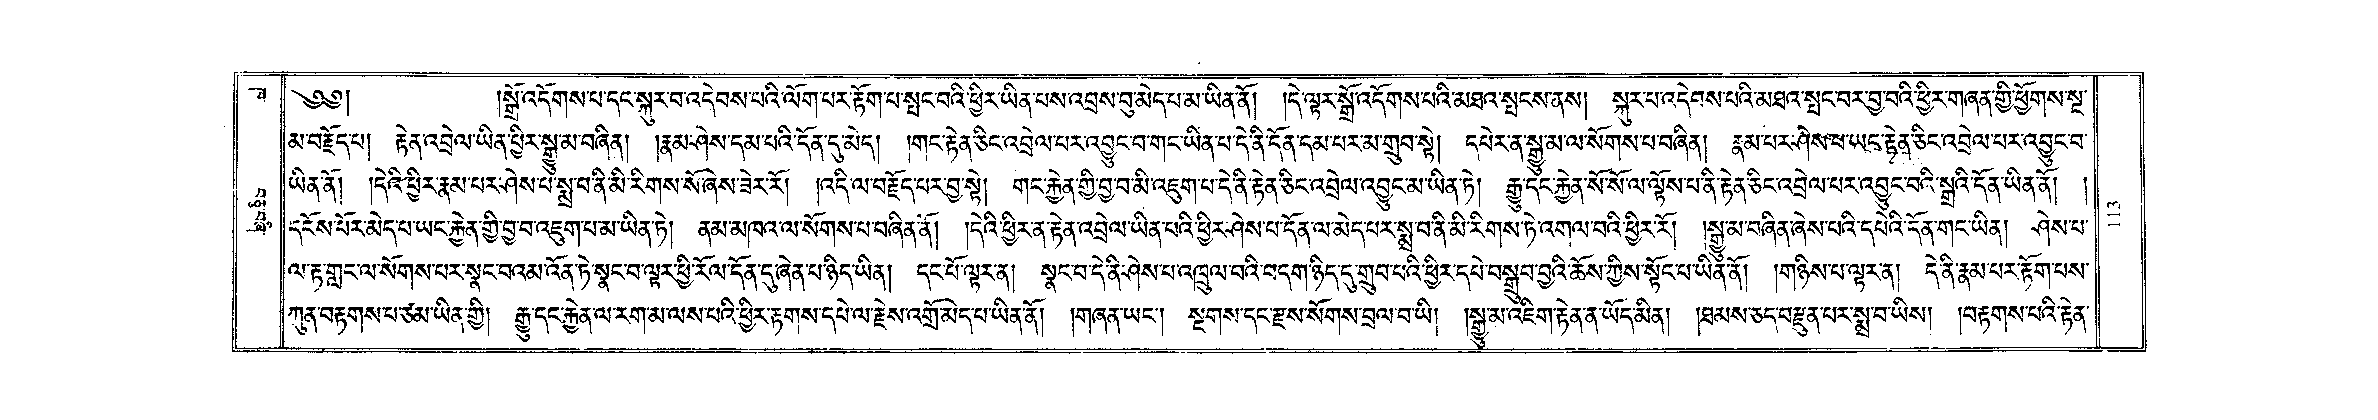༄༅། །སྒྲོ་འདོགས་པ་དང་སྐུར་བ་འདེབས་པའི་ལོག་པར་རྟོག་པ་སྤང་བའི་ཕྱིར་ཡིན་པས་འབྲས་བུ་མེད་པ་མ་ཡིན་ནོ། །དེ་ལྟར་སྒྲོ་འདོགས་པའི་མཐའ་སྤངས་ནས། སྐུར་པ་འདེབས་པའི་མཐའ་སྤང་བར་བྱ་བའི་ཕྱིར་གཞན་གྱི་ཕྱོགས་སྔ་
མ་བརྗོད་པ། རྟེན་འབྲེལ་ཡིན་ཕྱིར་སྒྱུ་མ་བཞིན། །རྣམ་ཤེས་དམ་པའི་དོན་དུ་མེད། །གང་རྟེན་ཅིང་འབྲེལ་པར་འབྱུང་བ་གང་ཡིན་པ་དེ་ནི་དོན་དམ་པར་མ་གྲུབ་སྟེ། དཔེར་ན་སྒྱུ་མ་ལ་སོགས་པ་བཞིན། རྣམ་པར་ཤེས་པ་ཡང་རྟེན་ཅིང་འབྲེལ་པར་འབྱུང་བ་
ཡིན་ནོ། །དེའི་ཕྱིར་རྣམ་པར་ཤེས་པ་སྨྲ་བ་ནི་མི་རིགས་སོ་ཞེས་ཟེར་རོ། །འདི་ལ་བརྗོད་པར་བྱ་སྟེ། གང་རྐྱེན་གྱི་བྱ་བ་མི་འཇུག་པ་དེ་ནི་རྟེན་ཅིང་འབྲེལ་འབྱུང་མ་ཡིན་ཏེ། རྒྱུ་དང་རྐྱེན་སོ་སོ་ལ་ལྟོས་པ་ནི་རྟེན་ཅིང་འབྲེལ་པར་འབྱུང་བའི་སྒྲའི་དོན་ཡིན་ནོ། །
དངོས་པོར་མེད་པ་ཡང་རྐྱེན་གྱི་བྱ་བ་འཇུག་པ་མ་ཡིན་ཏེ། ནམ་མཁའ་ལ་སོགས་པ་བཞིན་ནོ། །དེའི་ཕྱིར་ན་རྟེན་འབྲེལ་ཡིན་པའི་ཕྱིར་ཤེས་པ་དོན་ལ་མེད་པར་སྨྲ་བ་ནི་མི་རིགས་ཏེ་འགལ་བའི་ཕྱིར་རོ། །སྒྱུ་མ་བཞིན་ཞེས་པའི་དཔེའི་དོན་གང་ཡིན། ཤེས་པ་
ལ་རྟ་གླང་ལ་སོགས་པར་སྣང་བའམ་འོན་ཏེ་སྣང་བ་ལྟར་ཕྱི་རོལ་དོན་དུ་ཞེན་པ་ཉིད་ཡིན། དང་པོ་ལྟར་ན། སྣང་བ་དེ་ནི་ཤེས་པ་འཁྲུལ་བའི་བདག་ཉིད་དུ་གྲུབ་པའི་ཕྱིར་དཔེ་བསྒྲུབ་བྱའི་ཆོས་ཀྱིས་སྟོང་པ་ཡིན་ནོ། །གཉིས་པ་ལྟར་ན། དེ་ནི་རྣམ་པར་རྟོག་པས་
ཀུན་བརྟགས་པ་ཙམ་ཡིན་གྱི། རྒྱུ་དང་རྐྱེན་ལ་རག་མ་ལས་པའི་ཕྱིར་རྟགས་དཔེ་ལ་རྗེས་འགྲོ་མེད་པ་ཡིན་ནོ། །གཞན་ཡང་། སྔགས་དང་རྫས་སོགས་བྲལ་བ་ཡི། །སྒྱུ་མ་འཇིག་རྟེན་ན་ཡོད་མིན། །ཐམས་ཅད་བརྫུན་པར་སྨྲ་བ་ཡིས། །བརྟགས་པའི་རྟེན་